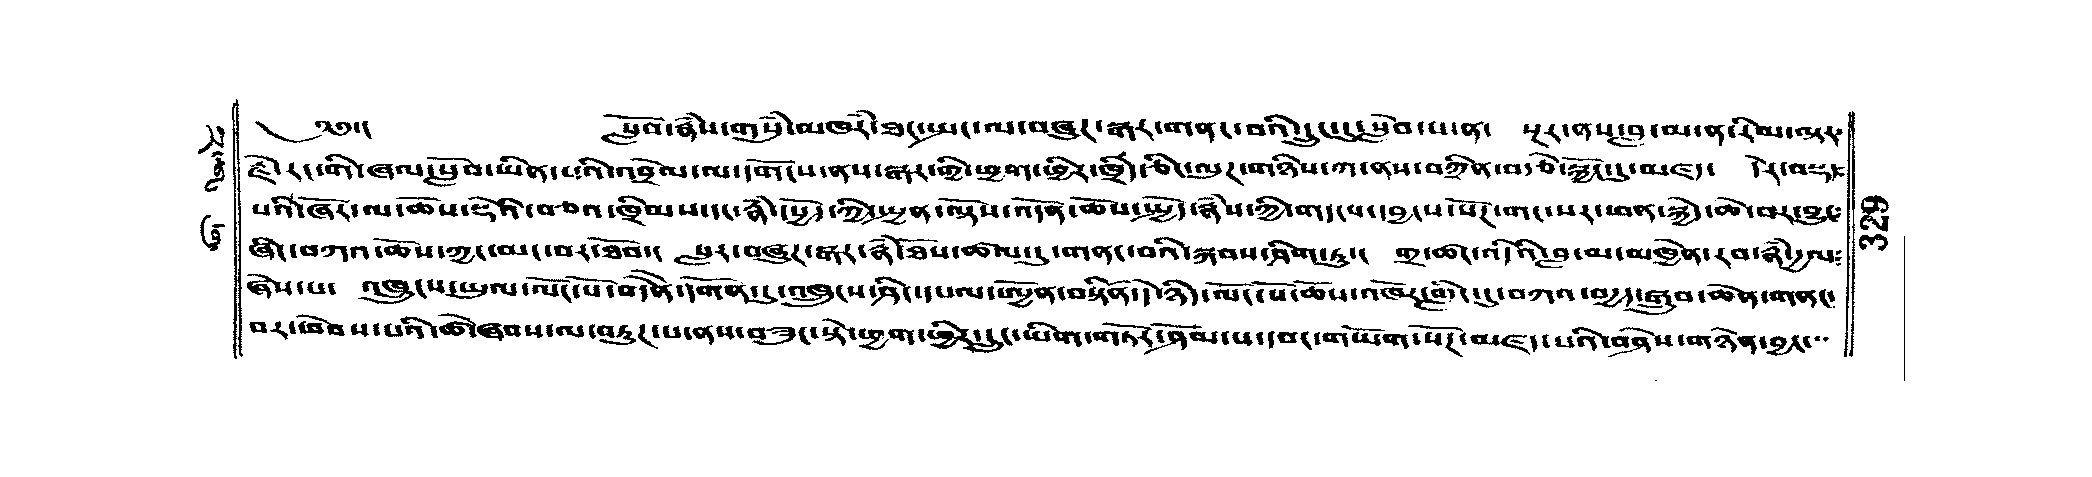སློབ་རྣམས་གསུམ་མཁར་རམ་ཐང་སྤང་ལ་བཞུགས་སྒར་གནང་བའི་དྲུང་དུ་སླེབ་པ་ན། སྔར་ནས་བླ་མ་ན་རིམ་ལྟར་
རྗེ་རང་གི་ཞལ་སློབ་ཡིན་པའི་འབྲེལ་ལ་དགོངས་ནས་སྒར་གྱི་ཕྱག་ཕྱིར་ཁྲིད་ཅིང་ལུགས་གཉིས་ཀ་ནས་བཀའ་དྲིན་བརྩེ་སྐྱོང་དུ་མཛད། དེར་བསྡད་
པའི་ཞོར་ལ་ཆོས་སྡེའི་བཅའ་ཁྲིམས་དང་རྣམ་དཔྱོད་ཀྱི་སྤྱན་ལྟོས་འདོན་ཆོས་སྤྱོད་རྣམས་ཀྱི་གདངས་དབྱངས་སོགས་གང་སར་ཕན་སྐྱེད་ཆེ་བར་བྱུང་
ཞིང་བཀའ་ཆོས་ཀྱང་མང་བར་ཐོབ། སླར་བཞུགས་སྒར་རྣམ་ཐོས་ཚལ་དུ་གནང་བའི་སྐབས་ཤིག་ཏུ། གྲྭ་ཚང་འདིའི་བླ་མ་མཁྱེན་རབ་རྣམ་རྒྱལ་
ཞེས་པ། འཁྲུངས་ཡུལ་ལོང་པོ་བདེ་ཆེན་དགོན་དུ་འཁྲུངས་ཤིང་དཔལ་ཨོ་རྒྱན་བསྟན་འཛིན་དེ་ཉིད་ལོང་པོ་ཆོས་འཁོར་གླིང་དུ་བཀའ་བརྒྱད་སྒྲུབ་ཆེན་གནང་
བར་ཕེབས་པའི་ཚེ་ཞབས་ལ་བཏུགས་པ་ནས་བཟུང་སྟེ་ཕྱག་ཕྱིར་དྲུང་ཡིག་གཏོར་ཤོམ་པ་དབང་གཡོག་སོགས་མཛད་པའི་བཤེས་གཉེན་བྱང་